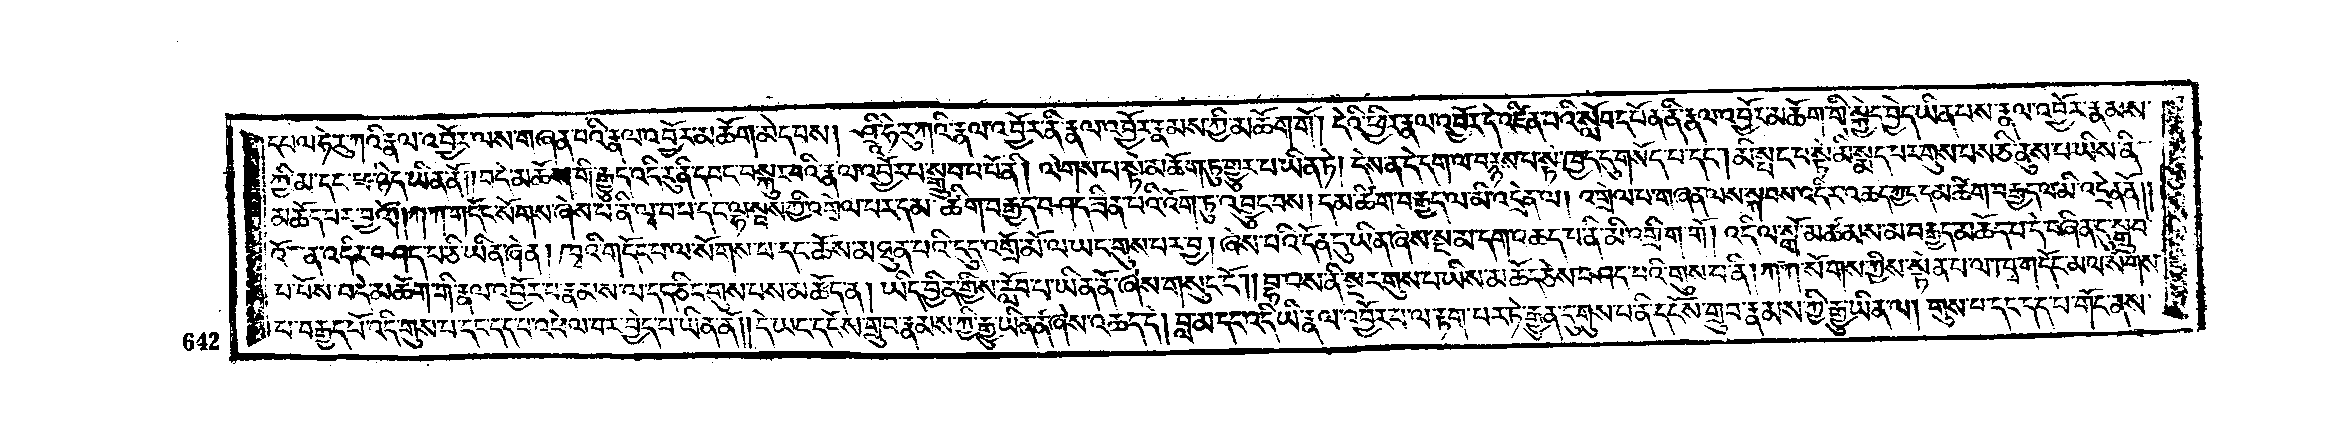དཔལ་ཧེ་རུ་ཀའི་རྣལ་འབྱོར་ལས་གཞན་པའི་རྣལ་འབྱོར་མཆོག་མེད་པས། ཤྲཱི་ཧེ་རུ་ཀའི་རྣལ་འབྱོར་ནི་རྣལ་འབྱོར་རྣམས་ཀྱི་མཆོག་གོ། དེའི་ཕྱིར་རྣལ་འབྱོར་དེ་འཛིན་པའི་སློབ་དཔོན་ནི་རྣལ་འབྱོར་མཆོག་གི་སྐྱེད་བྱེད་ཡིན་པས་རྣལ་འབྱོར་རྣམས་
ཀྱི་མ་དང་ཕ་ཉིད་ཡིན་ནོ། །བདེ་མཆོག་གི་རྒྱུད་འདི་རུ་ནི་དབང་བསྐུར་བའི་རྣལ་འབྱོར་པ་སྒྲུབ་པ་པོ་ནི། ལེགས་པ་སྟེ་མཆོག་ཏུ་གྱུར་པ་ཡིན་ཏེ། དེས་ན་དེ་དག་ལ་བརྙས་པ་སྟེ་ཁྱད་དུ་གསོད་པ་དང་། མི་སྤང་པ་སྟེ་མི་སྨད་པར་གུས་པས་ཅི་ནུས་པ་ཡིས་ནི་
མཆོད་པར་བྱའོ། །ཀ་ཀ་གདོང་སོགས་ཞེས་པ་ནི་ལྭ་བ་པ་དང་ལྷ་སྦས་ཀྱི་འགྲེལ་པར་དམ་ཚིག་བརྒྱད་བཤད་ཟིན་པའི་འོག་ཏུ་འབྱུང་བས། དམ་ཚིག་བརྒྱད་ལ་མི་འདྲེན་ལ། འགྲེལ་པ་གཞན་ལས་སྐབས་འདིར་འཆད་ཀྱང་དམ་ཚིག་བརྒྱད་ལ་མི་འདྲེན་ནོ། །
འོ་ན་འདིར་བཤད་པ་ཅི་ཡིན་ཞེན། ཁྭའི་གདོང་བ་ལ་སོགས་པ་དང་ཆོས་མཐུན་པའི་དུད་འགྲོ་མོ་ལ་ཡང་གུས་པར་བྱ། ཞེས་པའི་དོན་དུ་ཡིན་ཞེས་སྔ་མ་དག་འཆད་པ་ནི་མི་འགྲིག་གོ། འདི་ལ་སྒོ་མཚམས་མ་བརྒྱད་མཆོད་པ་དེ་བཞིན་དུ་སྒྲུབ་
པ་པོས་བདེ་མཆོག་གི་རྣལ་འབྱོར་པ་རྣམས་ལ་དད་ཅིང་གུས་པས་མཆོད་ན། ཡིད་བྱིན་གྱིས་རློབ་པ་ཡིན་ནོ་ཞེས་གསུང་ངོ། །བྷ་བས་ནི་སྔར་གུས་པ་ཡིས་མཆོད་ཅེས་བཤད་པའི་གུས་པ་ནི། ཀ་ཀ་སོགས་ཀྱིས་སྟེན་པ་ལ་ཁྭ་གདོང་མ་ལ་སོགས་
པ་བརྒྱད་པོ་འདི་གུས་པ་དང་དད་པ་འཕེལ་བར་བྱེད་པ་ཡིན་ནོ། །དེ་ཡང་དངོས་གྲུབ་རྣམས་ཀྱི་རྒྱུ་ཡིན་ནོ་ཞེས་འཆད་དེ། བླ་མ་དང་འདི་ཡི་རྣལ་འབྱོར་པ་ལ་རྟག་པར་ཏེ་རྒྱུན་དུ་གུས་པ་ནི་དངོས་གྲུབ་རྣམས་ཀྱི་རྒྱུ་ཡིན་ལ། གུས་པ་དང་དད་པ་གོང་ནས་